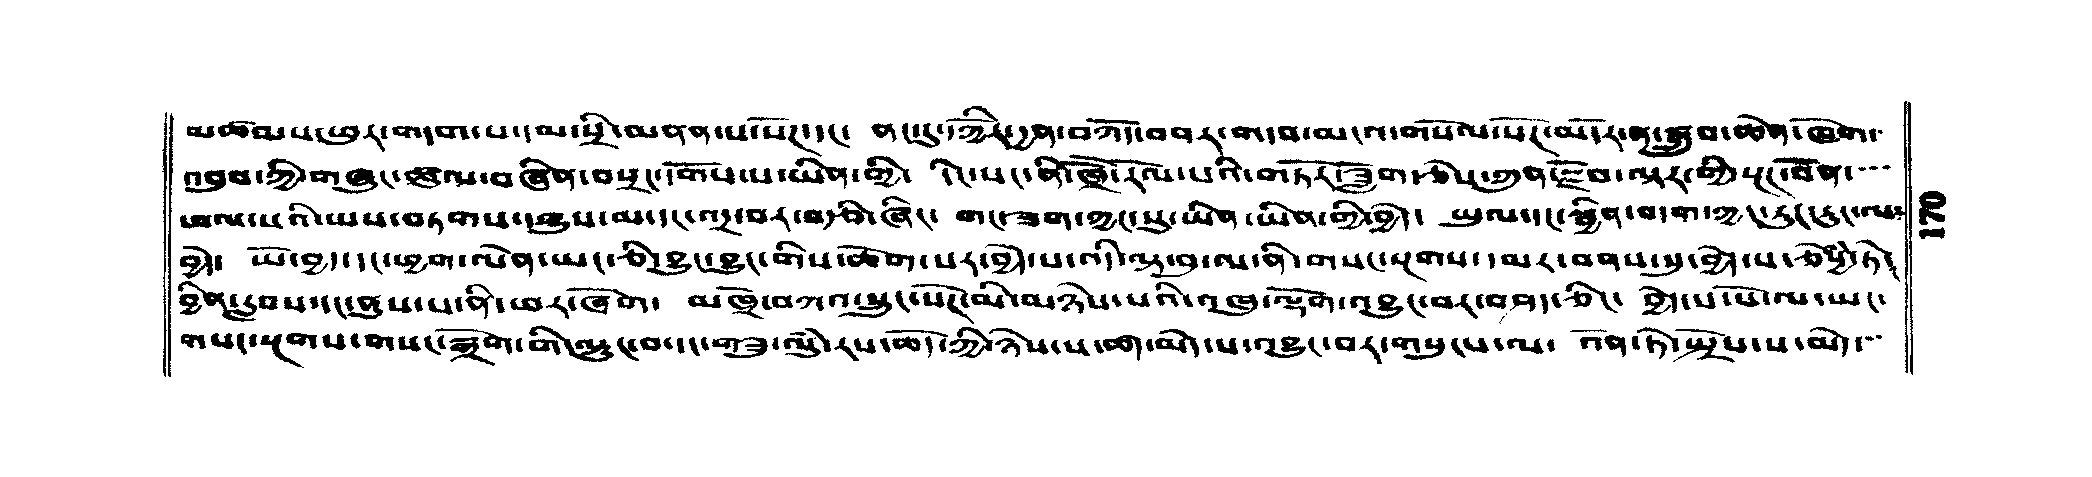མཚམས་ཕུར་གདགས་པ་དམ་སྲི་མནན་པ་སོགས་དང་། ནང་དུ་དཀྱིལ་འཁོར་རྒྱན་བཀོད་བཤར་གདབ་མངའ་གསོལ་སོགས་མདོར་ན་སྒྲུབ་ཆེན་ཁོག་
འབུབ་ཀྱི་གཞུང་ཚུལ་བཞིན་བསྲང་དགོས་པ་ཡིན་གྱི། དེང་སང་ནི་ཁྲོ་བོ་རོལ་པའི་གཏོར་ཟློག་ཅེས་ཀུན་རྫོབ་ལྟར་གྱི་སྔགས་བོན་
ཕལ་པའི་ཡས་བཏགས་དཀྱུས་མ་དང་འདྲ་བར་བརྩི་ཞིང་། གང་ཟག་ཀྱང་སུ་ཡིན་ཡིན་གྱིས་བྱེད། ཡུལ་དང་སྦྱིན་བདག་ཀྱང་རུང་རུང་ལ་
བྱེད། ཡོ་བྱད་དང་ཕྱག་ལེན་ཡང་ཅི་བྱུང་བྱུང་གིས་ཆོག་པར་བྱེད་པ་འདི་ལྟ་བུ་ལ་ནི་གསང་སྔགས་དམར་བཤས་སུ་བྱེད་པ་ཅེས་གསུངས་ཏེ། 
བྱིན་རླབས་དང་ནུས་པ་ནི་ཕར་ཞོག་མཁའ་འགྲོ་བཀའ་སྲུང་སོགས་མི་མཉེས་པའི་མཁུ་ལྡོག་འབྱུང་བར་བཤད་ཅིང་། བྱེད་པ་པོ་ལ་ཡང་
གསང་སྔགས་གསང་སྒྲོག་གི་ལྟུང་བ་དང་གཟུ་ལུམ་རས་ཆོད་ཀྱི་ཉེས་པ་ཚད་མེད་པ་འབྱུང་བར་གསུངས་ལ། འོན་ཏེ་སྤྲོས་པ་མེད་